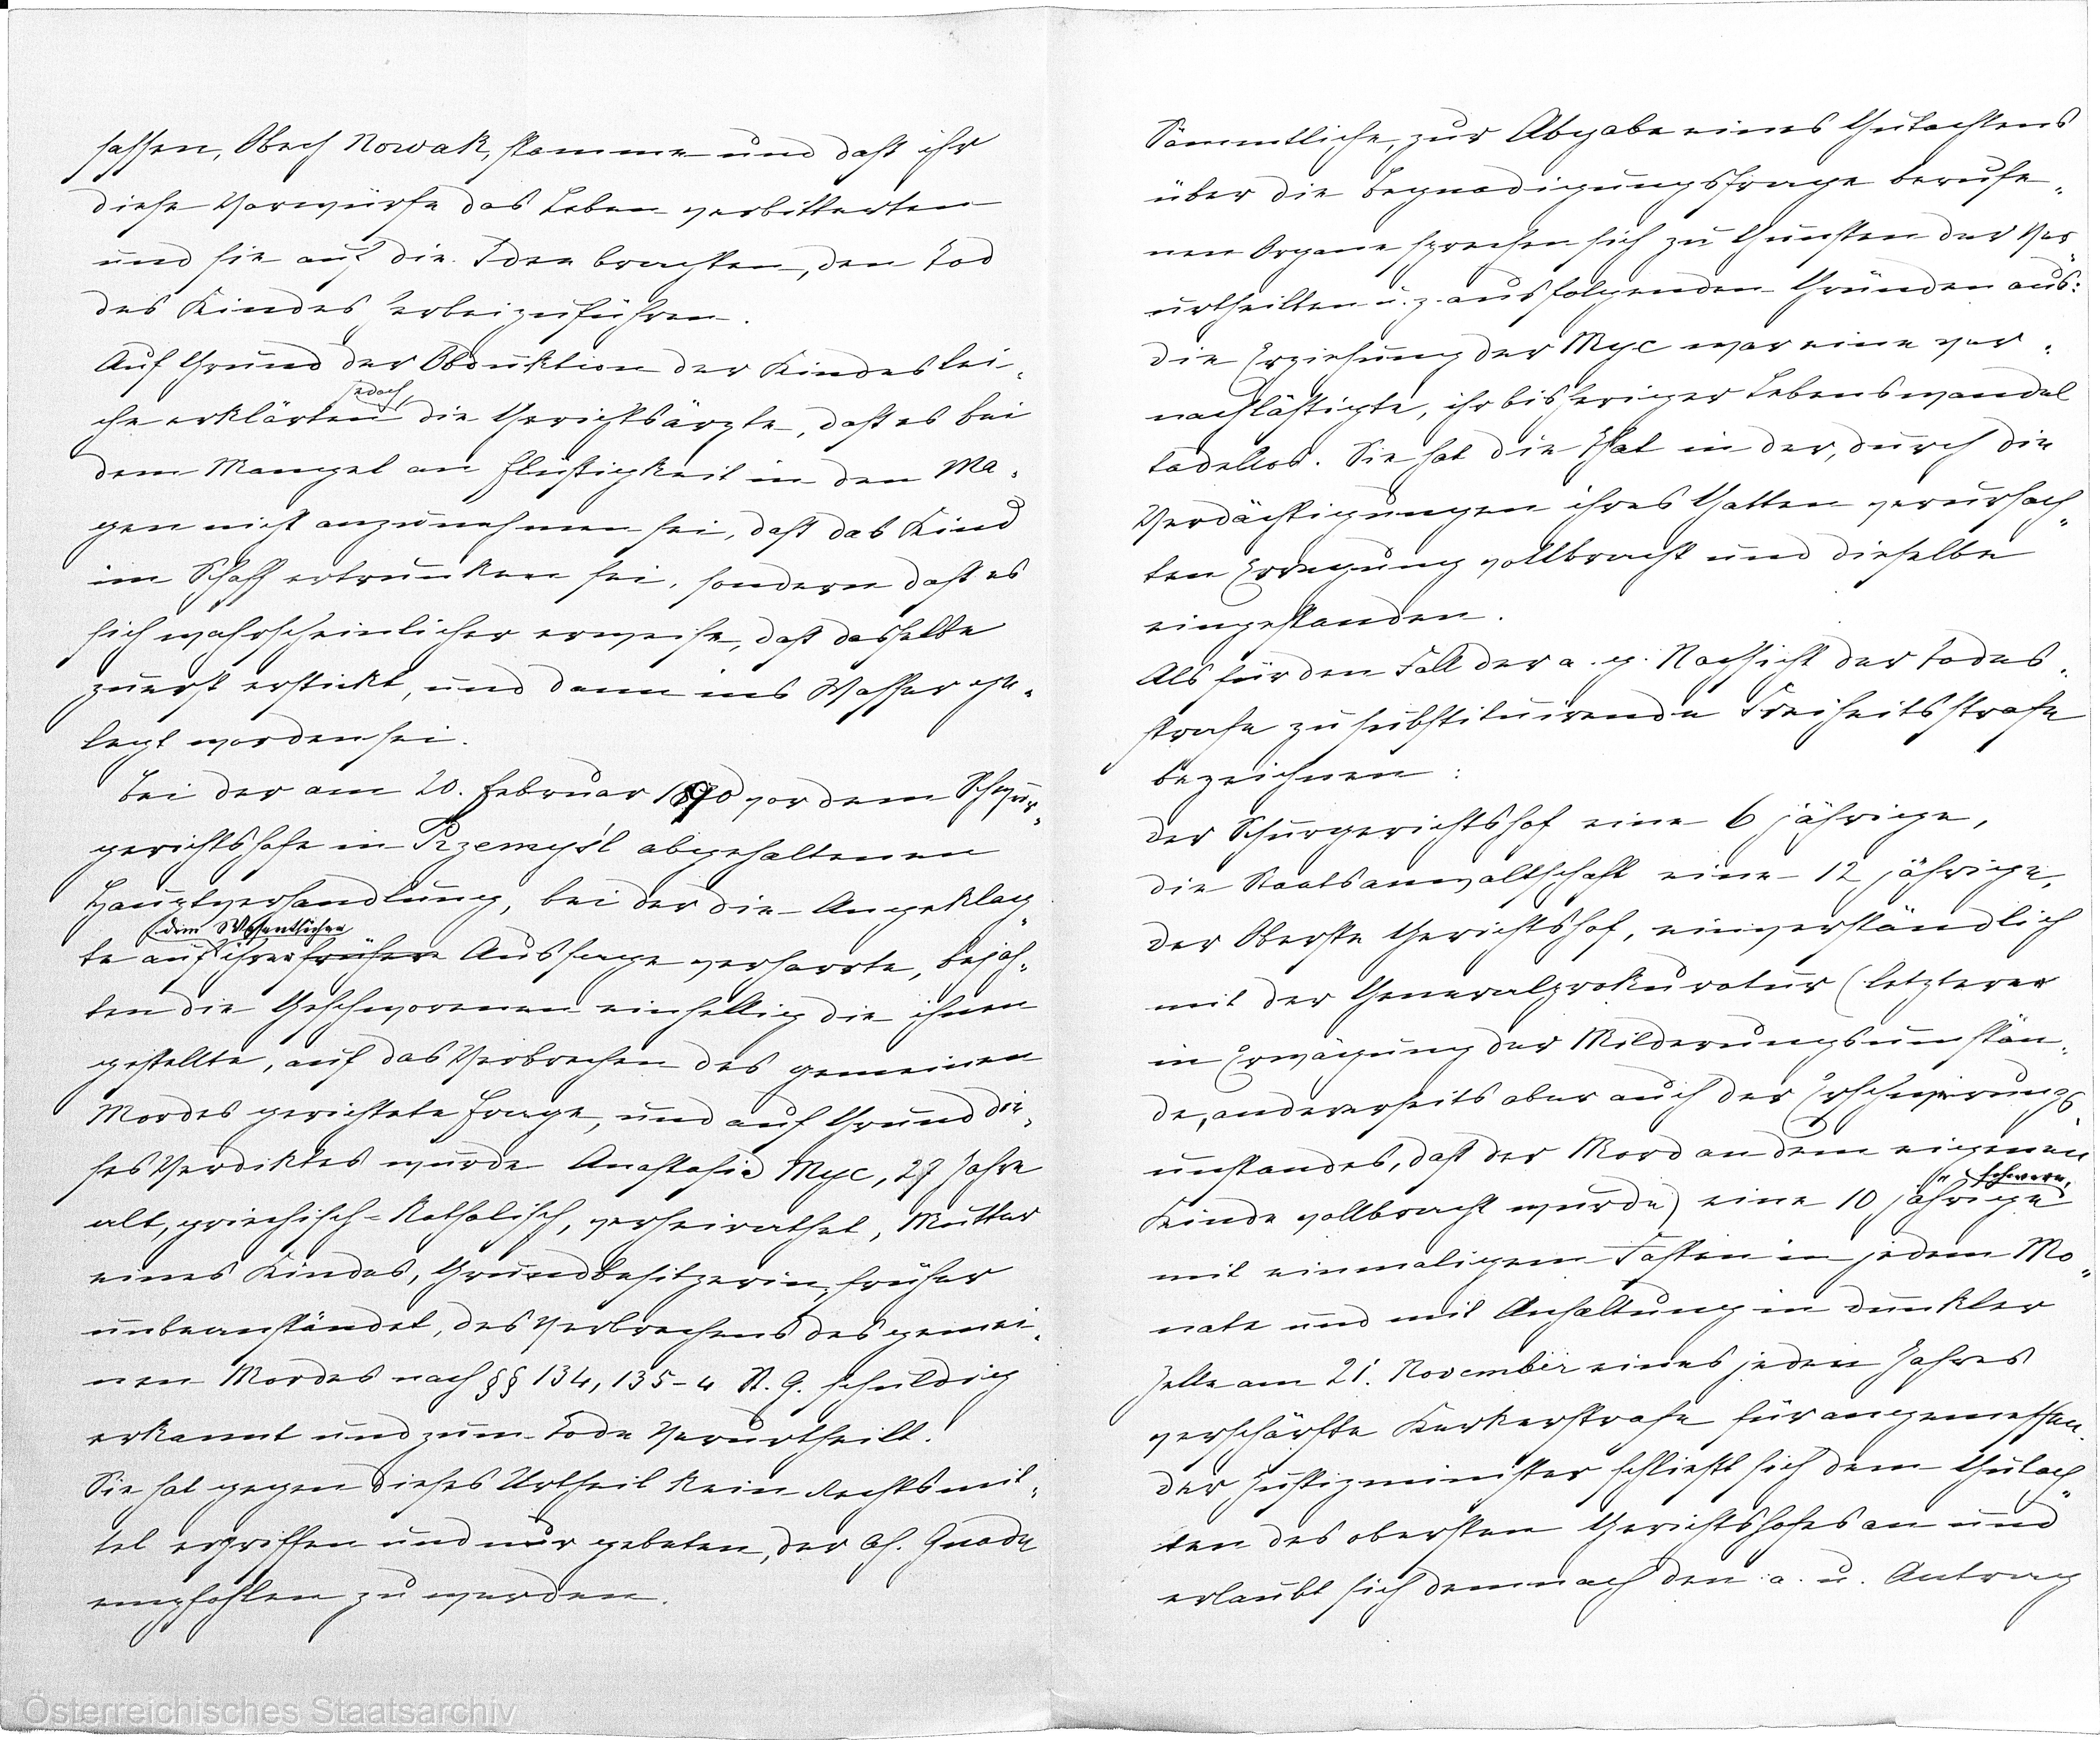sassen, Obech Nowak, stamme und daß ihr
diese Vorwürfe das Leben verbitterten
und sie auf die Iden brachten, den Tod
des Kindes herbeizuführen.
Auf Grund der Obduktion der Kindes lei¬
jedoch
che erklärten die Gerichtsärzte, daß es bei
dem Mangel an Flüßigkeit in den Ma¬
gen nicht anzunehmen sei, daß das Kind
im Schaffertrunken sei, sondern daß es
sich wahrscheinlicher erweise, daß dasselbe
zuerst erstickt, und dann ins Wasser ge¬
legt worden sei.
Bei der am 20. Februar 1890 vor dem Schwur¬
gerichtshofe in Przemyśl abgehaltenen
Hauptverhandlung, bei der die Angeklag¬
dem Wesentlicher
te auf ihrer Aussage verharrte, Bejah¬
ten die Geschworenen einhellig die ihnen
gestellte, auf das Verbrechen des Gemeinen
Mordes gerichtete Frage, und auf Grund die¬
ses Verdiktes wurde Anastasie Myc, 27 Jahre
alt, griechisch-katholisch, verheirathet, Mutter
eines Kindes, Grundbesitzerin, früher
unbeanständet, des verbrechens des gemei¬
nen Mordes nach §§ 134, 135-4 St. G. schuldig
erkannt und zum Tode verurtheilt.
Sie hat gegen dieses Urtheil kein Rechtsmit¬
tel ergriffen und nur gebeten, der Ah. Gnade
empfohlen zu werden.
Sämmtliche, zur Abgabe eines Gutachtens
über die Begnadigungsfrage berufe¬
nen Organe sprechen sich zu Gunsten der Ver¬
urtheilten u. z. aus folgenden Gründen aus:
Die Erziehung der Myc war eine vor¬
nachlästigte, ihr bisheriger Lebenswandel
todelxx. Sie hat die That in der, durch die
Verdächtigungen ihres Gatten verursach¬
ten Erregung vollbracht und dieselbe
eingestanden.
Als für den Fall der a. g. Nachsicht der Todes¬
strafe zu subsituirende Freiheitsstrafe
bezeichnen:
Der Schurgerichtshof eine 6 jährige,
die Staatsanwaltschaft eine 12jährige,
der Oberste Gerichtshof, einverständlich
mit der Generalprokuratur (letzterer
in Erwägung der Milderungsumstän¬
de, andererseits aber auch der Erschwerungs¬
unstandes, daß der Mord an dem eigenen
schwere,
Kinde vollbracht wurde) eine 10 jährige
mit einmaligem Fasten in jedem Mo¬
nate und mit Anhaltung in Dunkler
Zelle am 21. November eines jeden Jahres
verschärfte Kerkerstrafe für angemessen.
Der Justizminister schließt sich dem Gutach¬
ten des obersten Gerichtshofes an und
erlaubt sich dem nach den a. u. Antrag